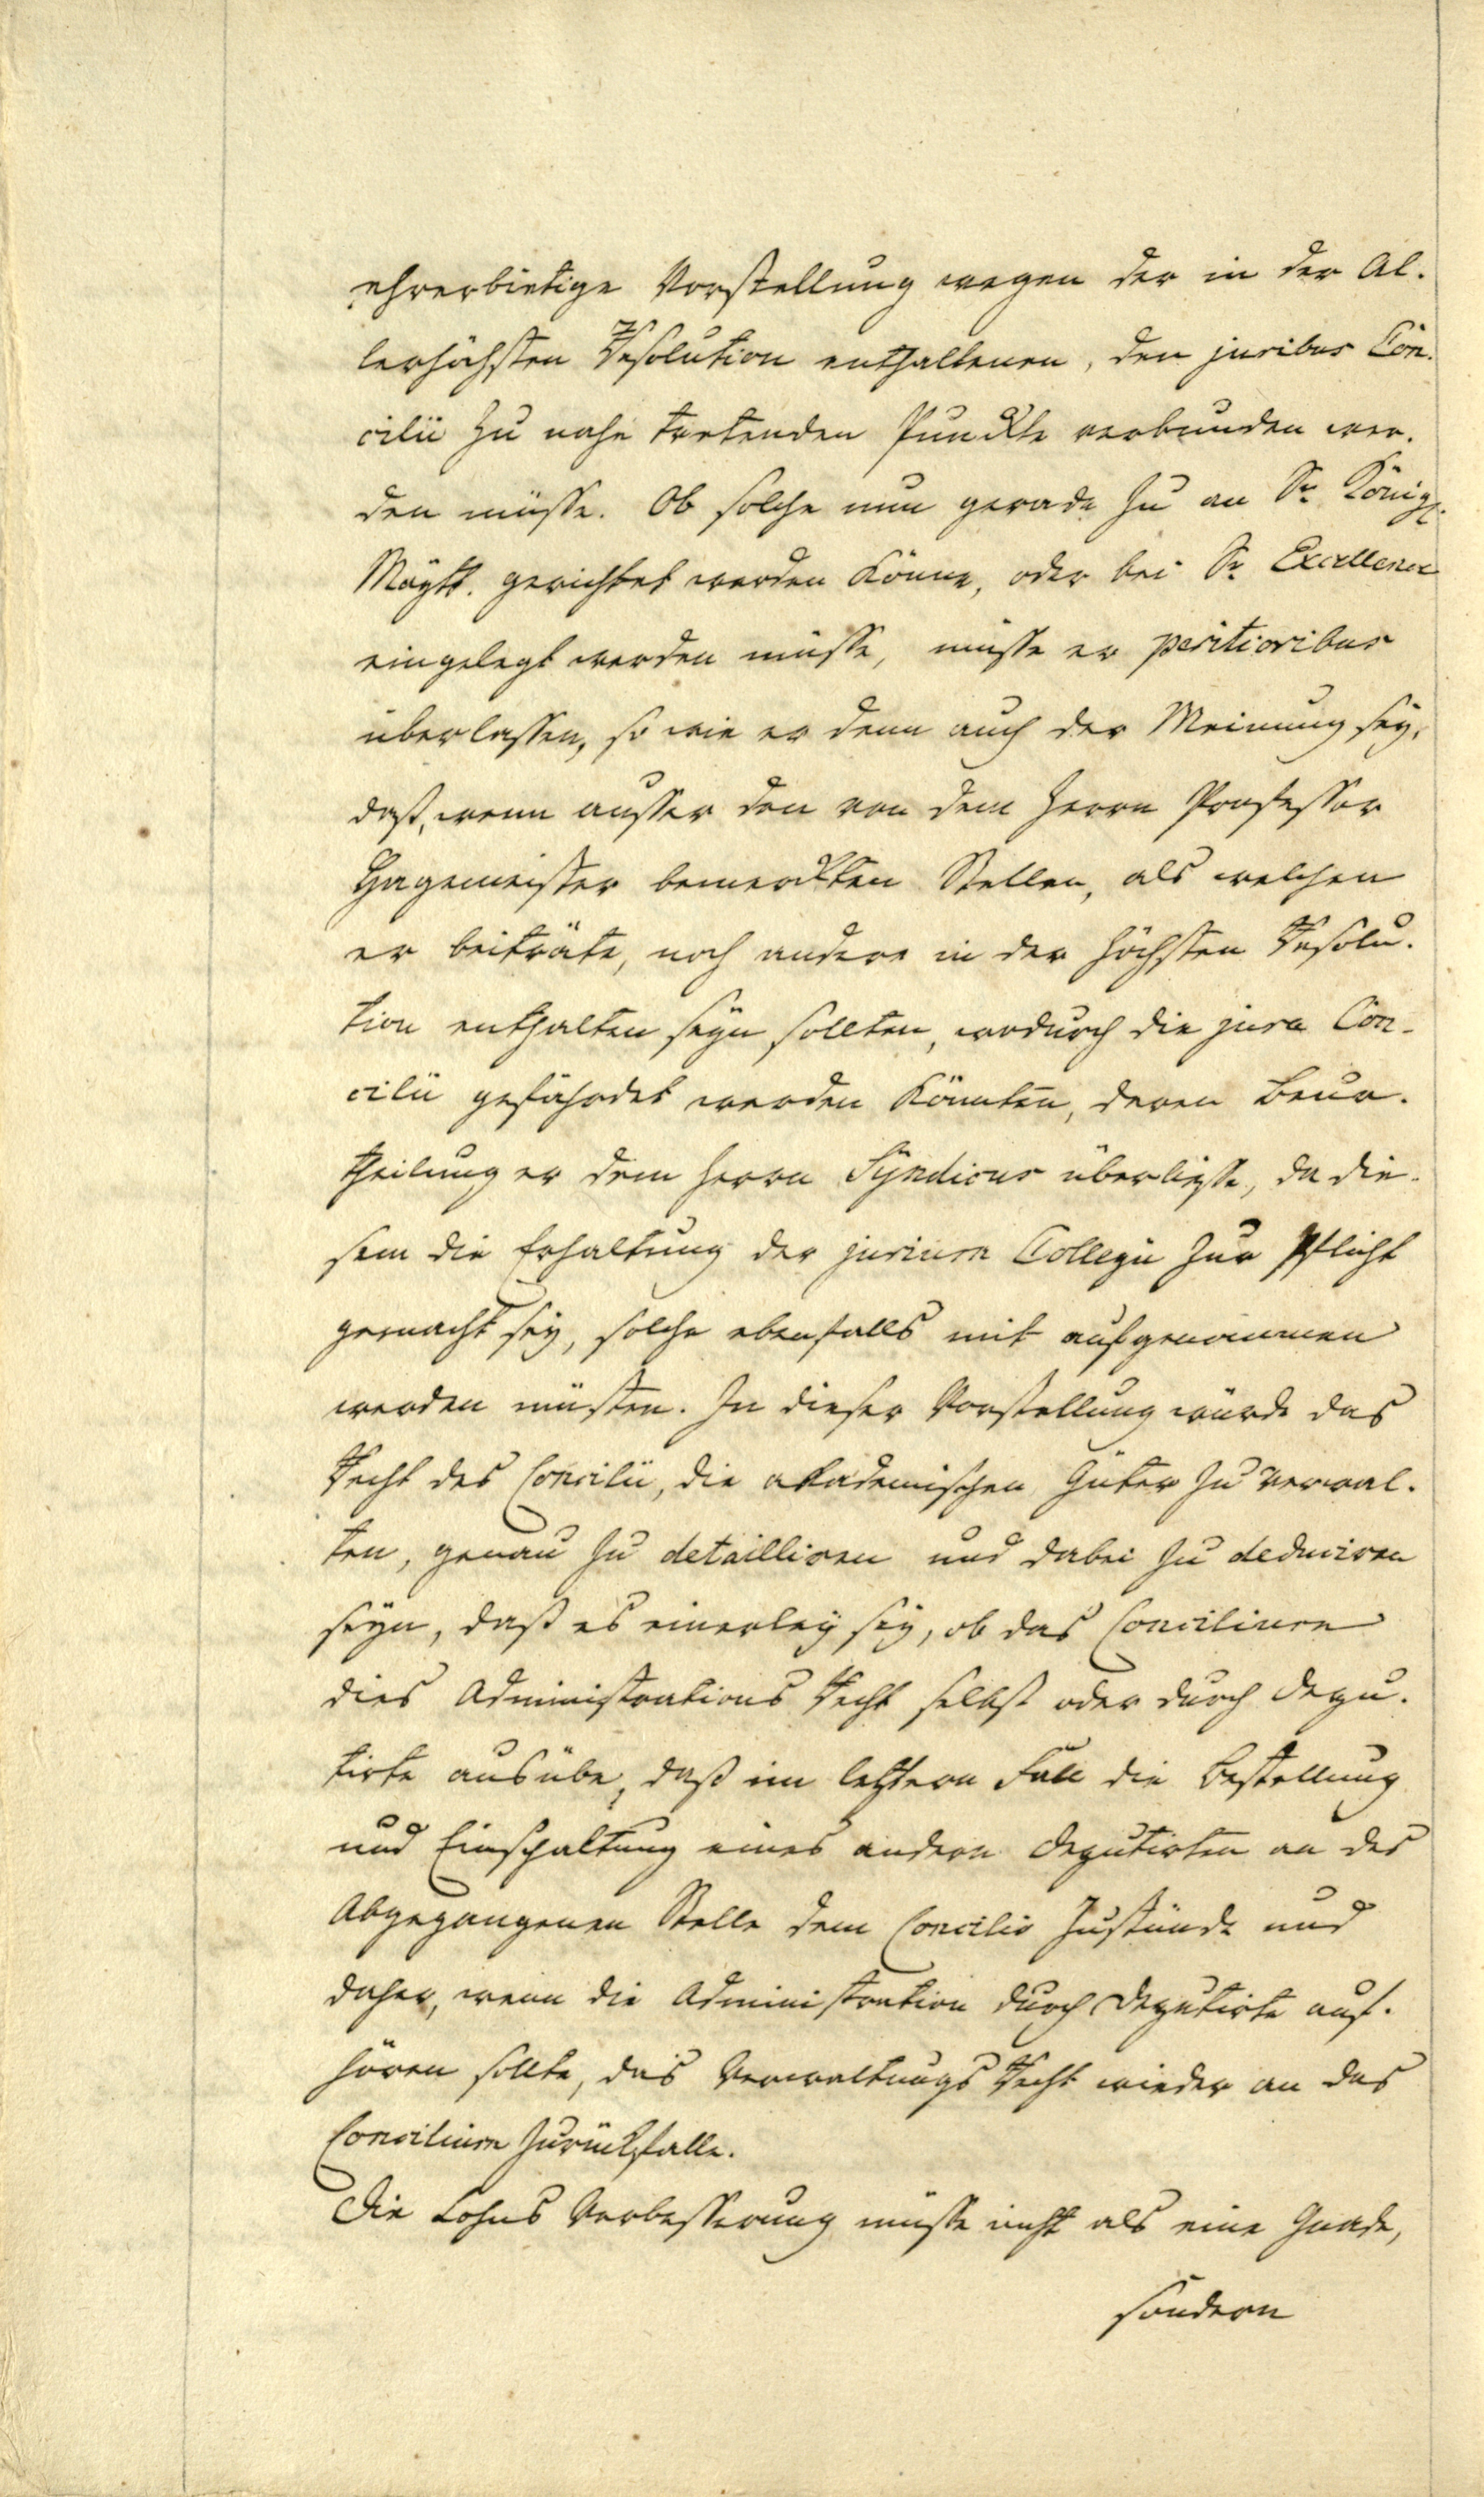ehrerbietige Vorstellung wegen der in der Al¬
lerhöchsten Resolution enthaltenen, den juribus Con¬
cilii zu nahe tretenden Punckte verbunden wer¬
den müsse. Ob solche nun gerade zu an Sr Königl.
Maÿtt. gerichtet werden könne, oder bei Sr Excellence
eingelegt werden müsse, müsse er peritioribus
überlassen, so wie er denn auch der Meinung seÿ,
daß, wenn ausser den von dem Herrn Professor
Hagemeister bemerckten Stellen, als welchen
er beiträte, noch andere in der höchsten Resolu¬
tion enthalten seÿn sollten, wodurch die jura Con¬
cilii gefährdet werden könnten, deren Beur¬
theilung er dem Herrn Sÿndicus überliesse, da die¬
sem die Erhaltung der jurium Collegii zur Pflicht
gemacht seÿ, solche ebenfalls mit aufgenommen
werden müßten. In dieser Vorstellung würde das
Recht des Concilii, die akademischen Güter zu verwal¬
ten, genau zu datailliren und dabei zu deduciren
seÿn, daß es einerleÿ seÿ, ob das Concilium
dies Administrations Recht selbst oder durch Depu¬
tirte ausübe, daß im letztern Fall die Bestellung
und Einschaltung eines andern Deputirten an der
Abgegangenen Stelle dem Concilio zustünde und
daher, wenn die Administration durch Deputirte auf¬
hören sollte, das Verwaltungs Recht wieder an das
Concilium zurückfalle.
Die Lohns Verbesserung müsse nicht als eine Gnade,
sondern